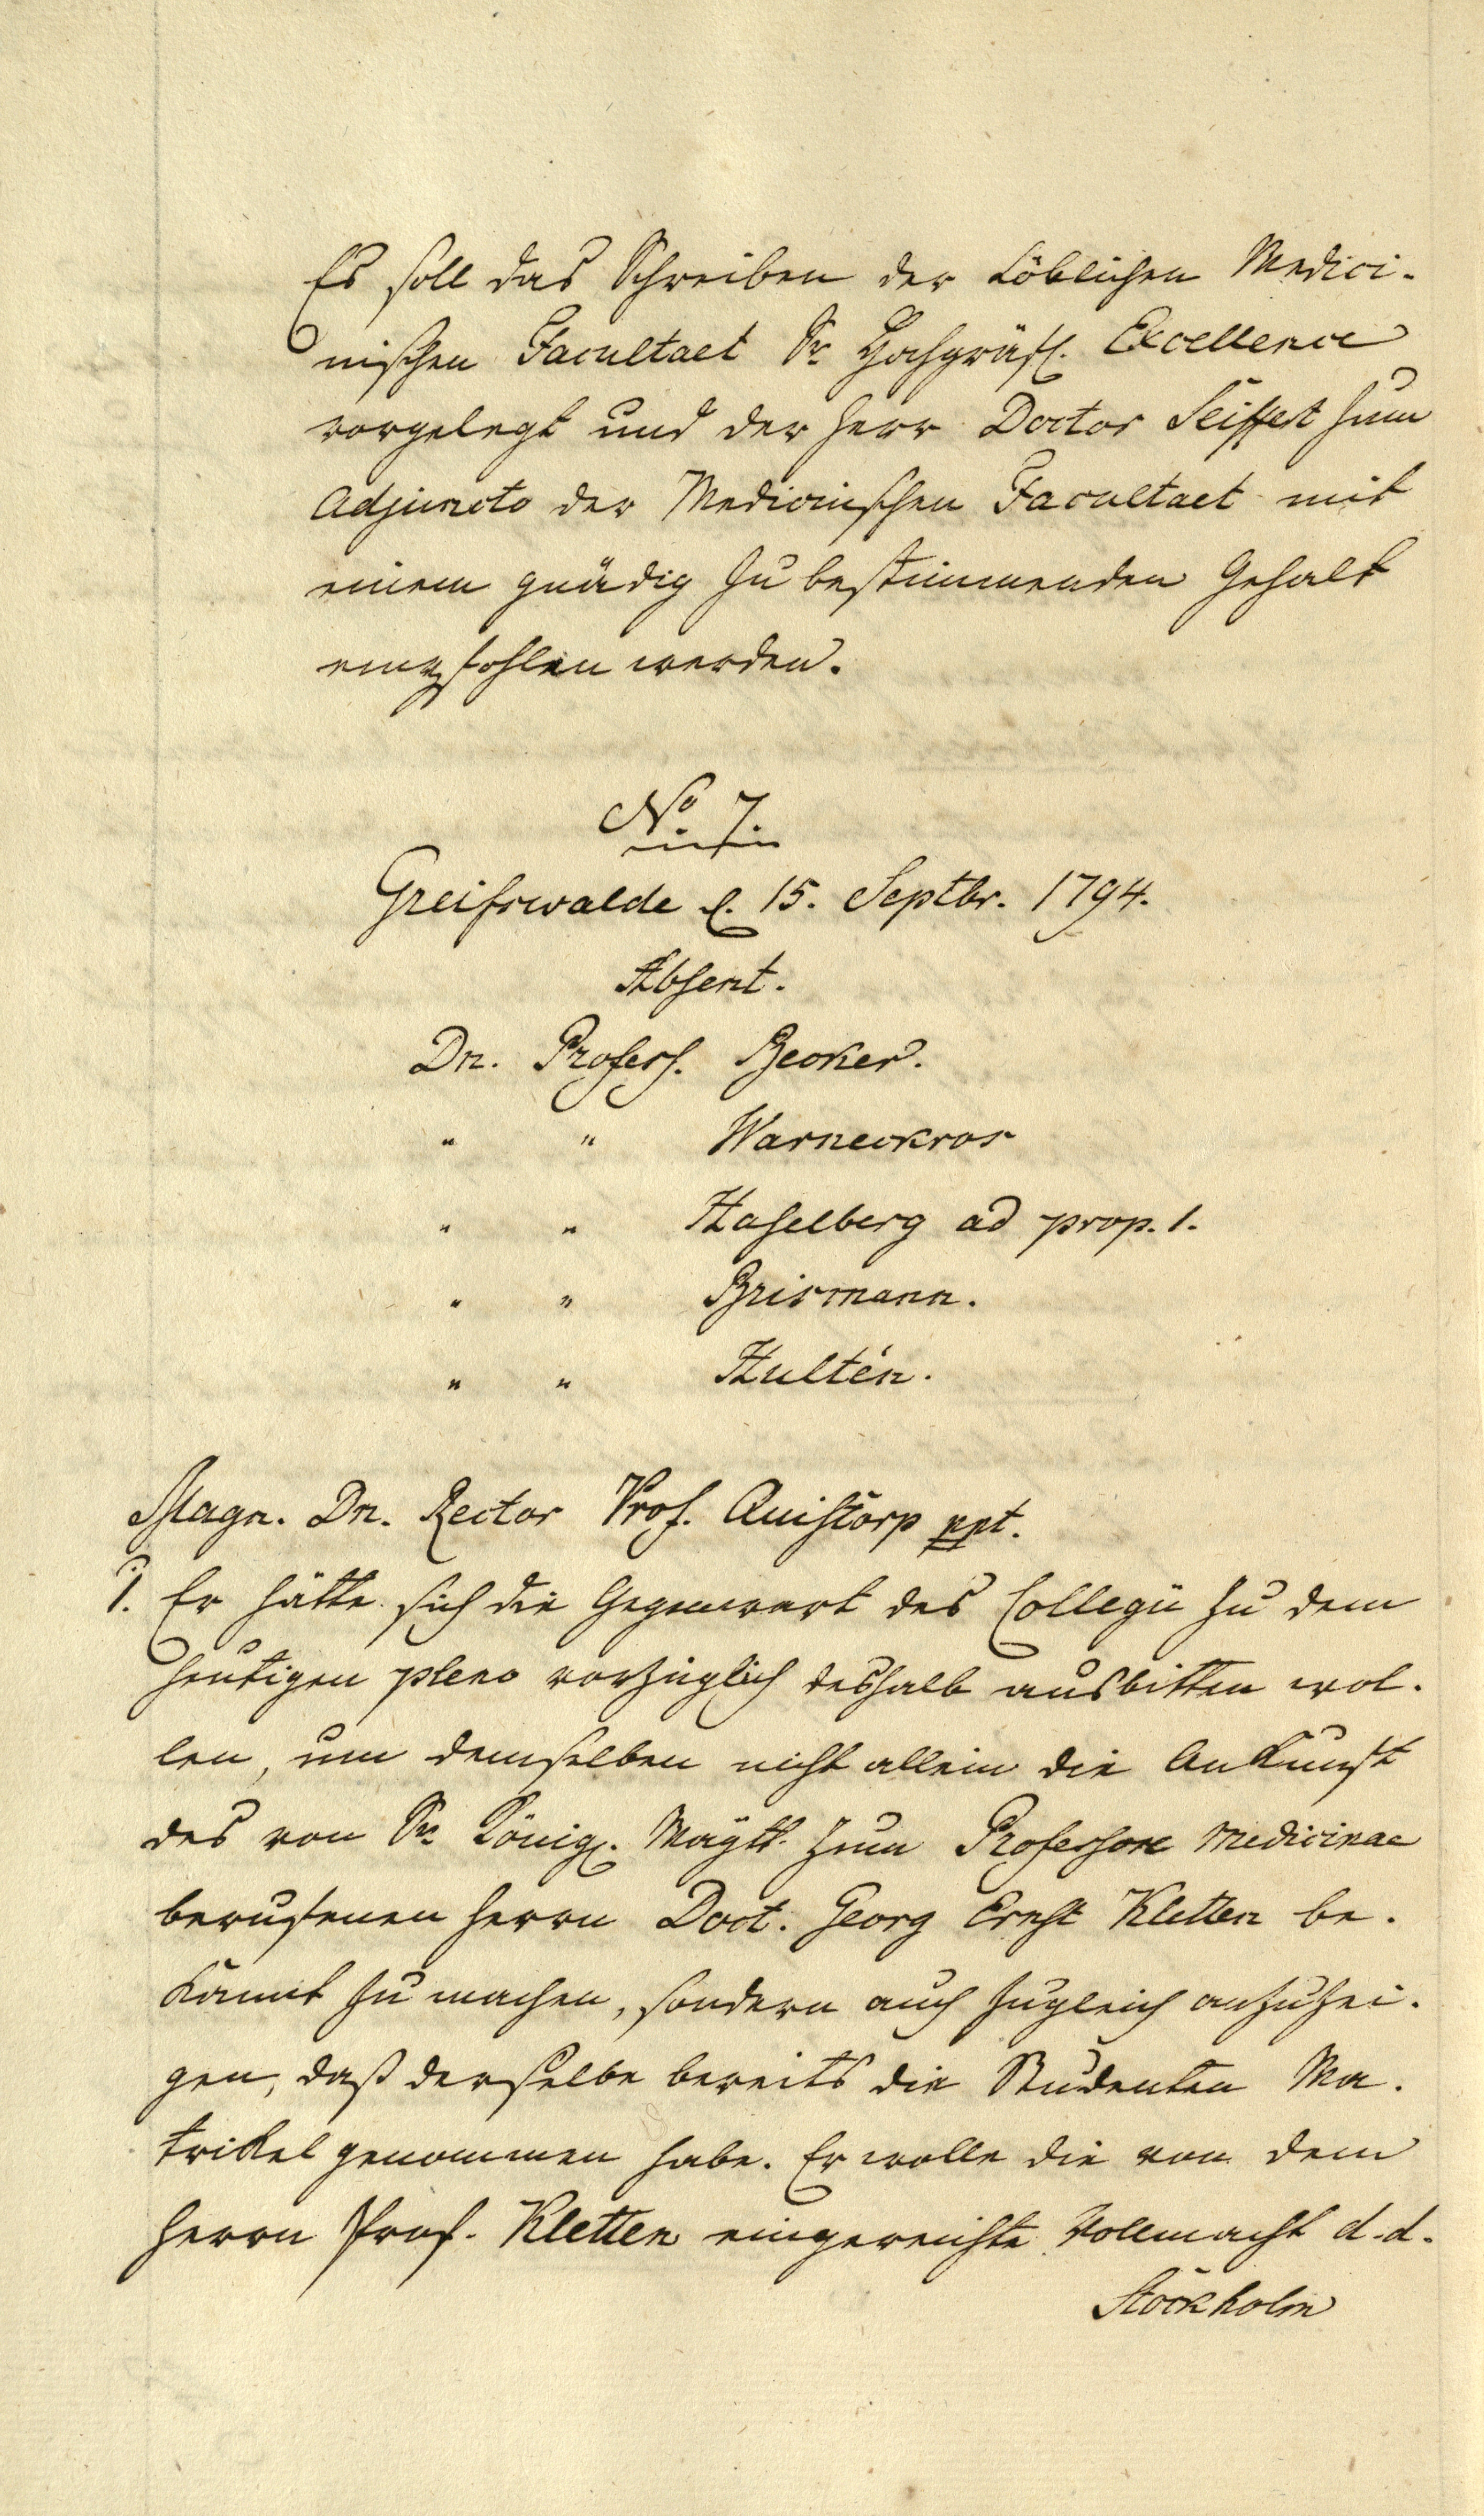Es soll das Schreiben der Löblichen Medici-
nischen Facultaet Sr. Hochgräfl. Excellence
vorgelegt und der herr Doctor Seiffert zum
Adjuncto der Medicinischen Facultaet mit
einem gnädig zu bestimmenden Gehalt
empfohlen werden.
No. 7.
Greifswalde d. 15. Septbr. 1794
Absent.
Dn. Profess. Becker.
" " Warneckros
" " Haselberg ad prop. 1.
" " Brismann.
" " Hultén.
Magn. Dn. Rector Prof. Quistorp ppt.
1. Er hätte sich die Gegenwart des Collegiii zu dem
heutigen pleno vorzüglich deshalb ausbitten wol-
len, um demselben nicht allein die Ankunft
des von Sr. Königl. Maytt. zum Professore Medicinae
berufenen herrn Doct. Georg Ernst Kletten be-
kannt zu machen, sondern auch zugleich anzuzei-
gen, daß derselbe bereits die Studenten Ma-
trikel genommen habe. Er wolle die von dem
herrn Prof. Kletten eingereichte Vollmacht d.d.
Stockholm